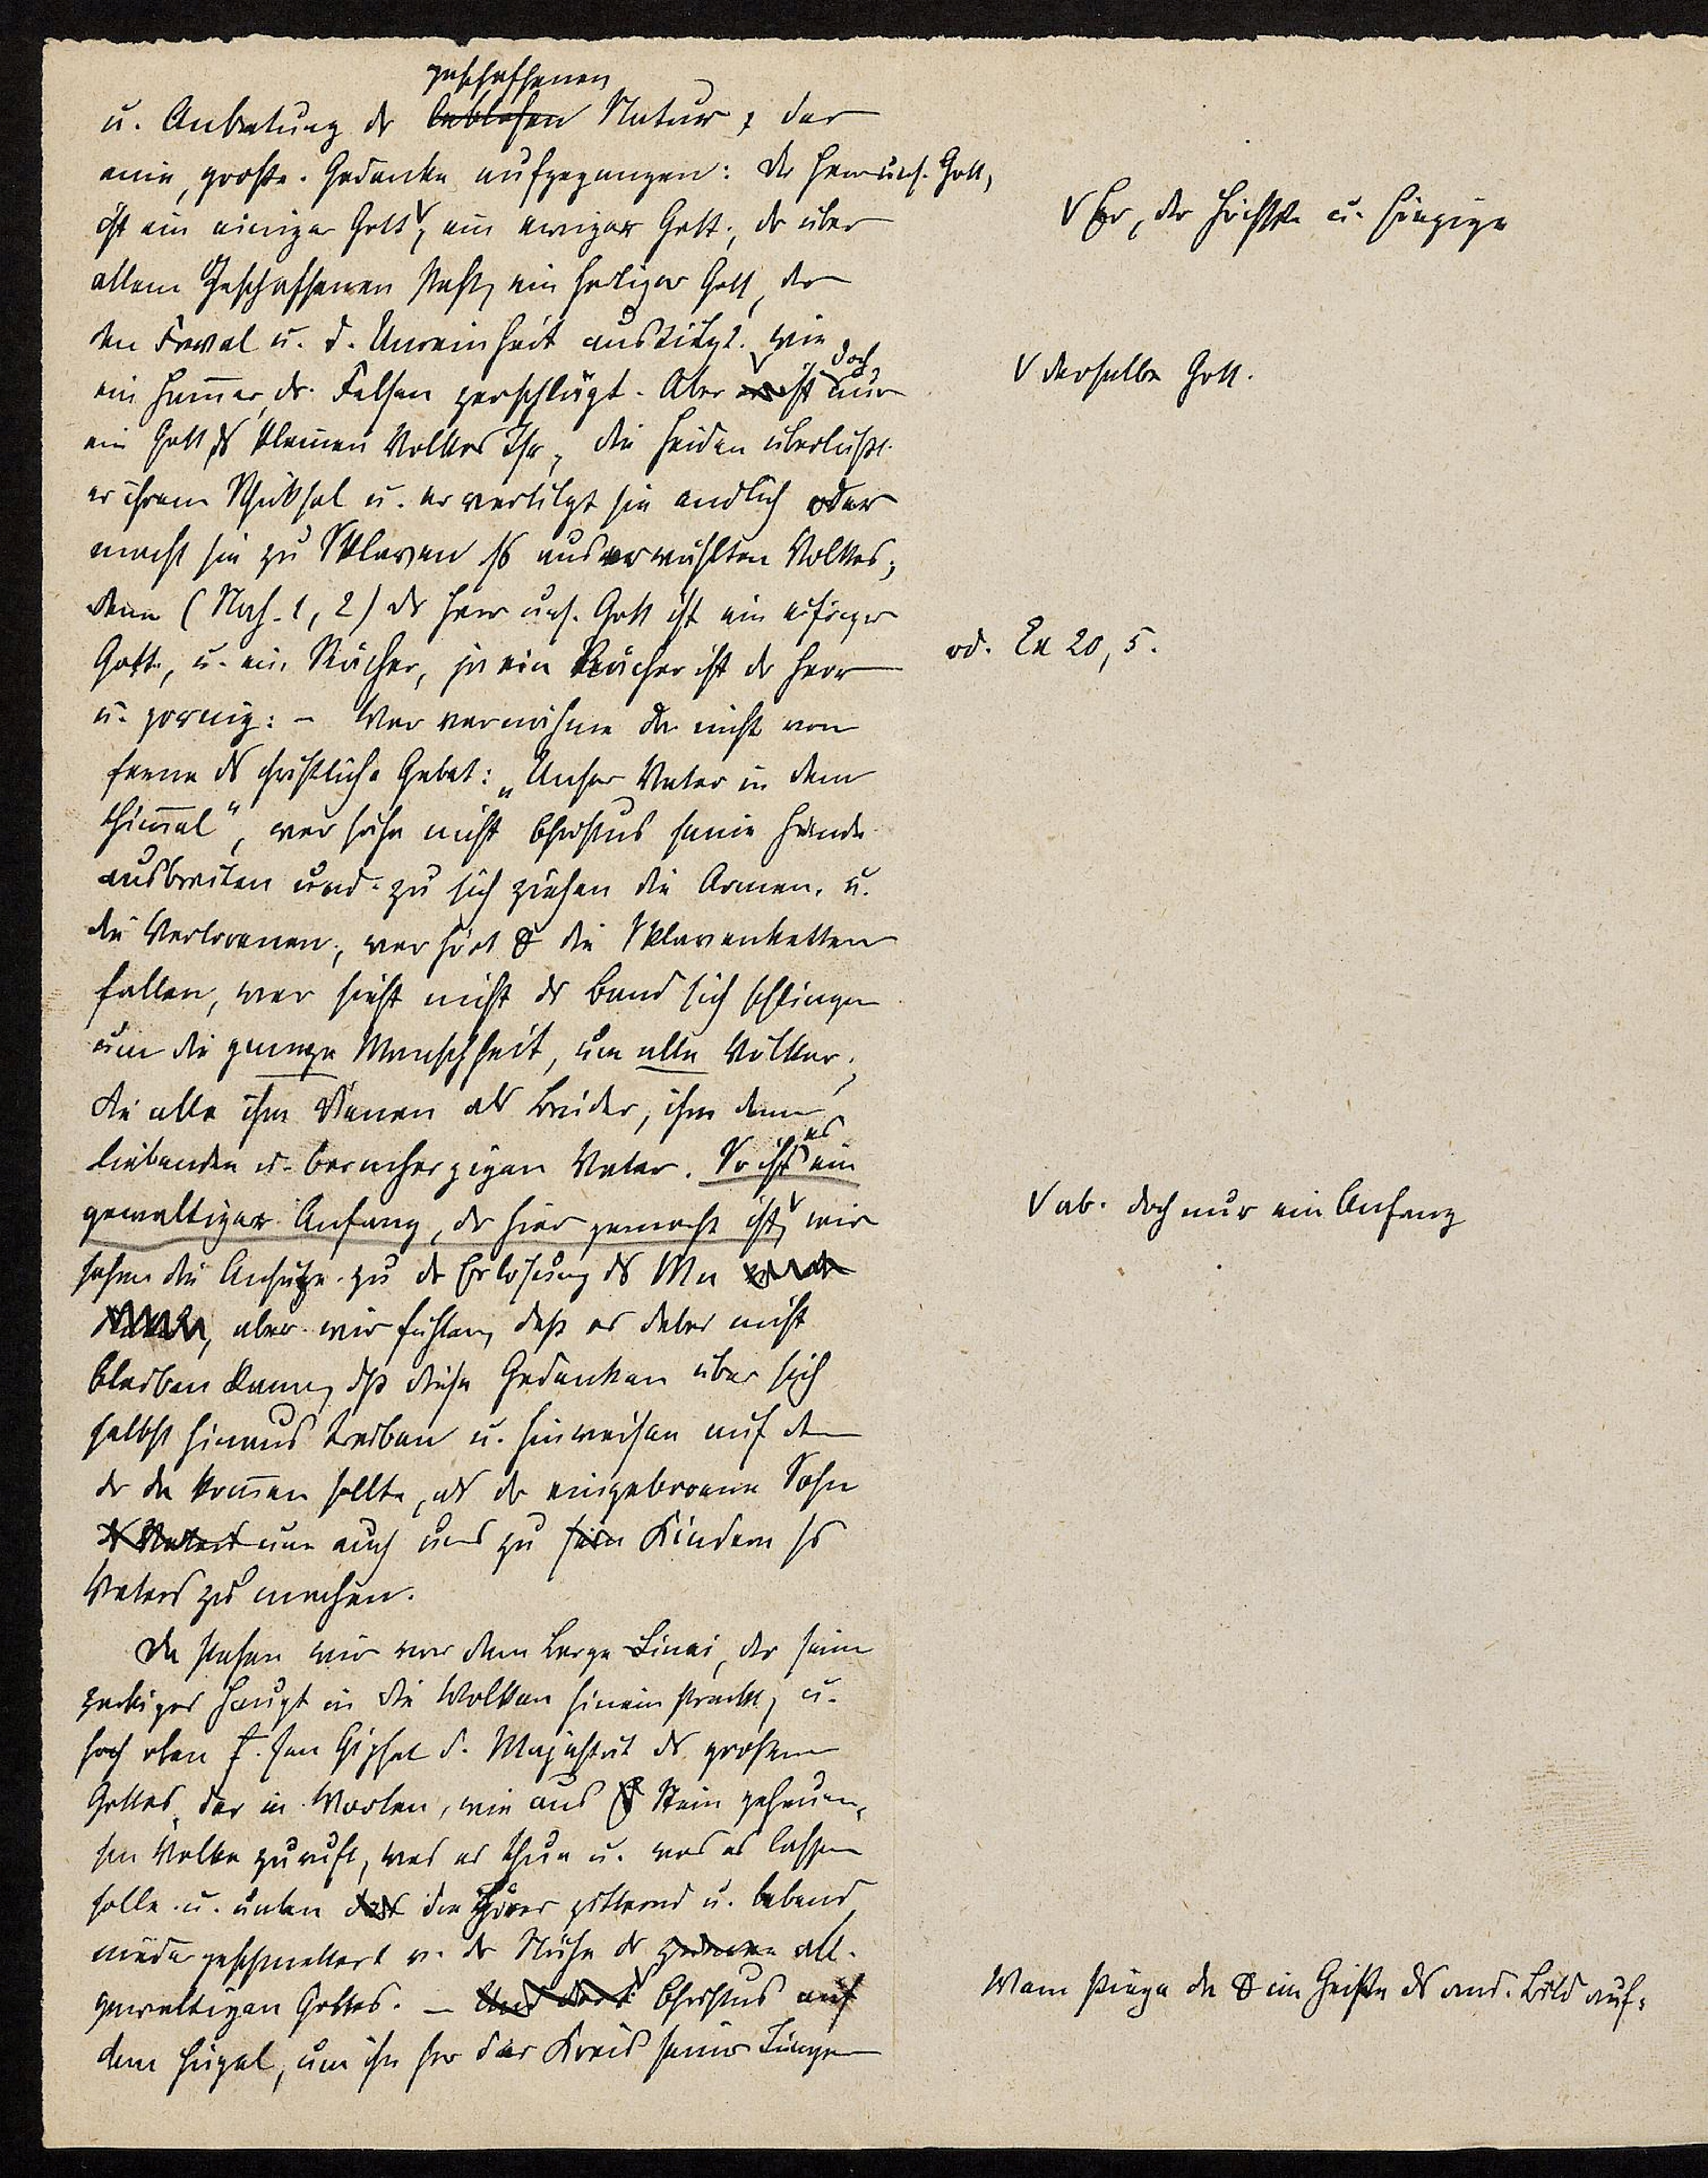geschaffenen
u. Anbetung dr leblosen Natur, der
eine, große Gedanke aufgegangen: Der Herr uns. Gott,
ist ein einiger Gott, ein ewiger Gott, dr über
allem Geschaffenem steht, ein heiliger Gott der
den Frevel u. d. Unreinheit austilgt. wie
doch
ein Hamer dr. Felsen zerschlägt. Aber er ist nur
ein Gott des kleinen Volkes Isr, die Heiden überläßt
er ihren Schiksal u. er vertilgt sie endlich oder
macht sie zu Sklaven ss auserwählten Volkes,
denn (Nah. 1, 2) dr Her uns. Gott ist ein eifriger
Gott, u. ein Rächer, ja ein Rächer ist dr Herr
u. zornig: _ Wer vernähme da nicht von
ferne ds christliche Gebet: "Unser Vater in dem
Himel", wer sähe nicht Christus seine Hände
ausbreiten und zu sich ziehen die Armen u.
die Verlorenen, wer hört o die Sklavenketten
fallen, wer sieht nicht ds Band sich schlingen
um die ganze Menschheit, um alle Völker;
die alle ihm dienen als Brüder, ihm dem
Liebenden u. barmherzigen Vater , So ist ein
gewaltiger Anfang, dr hier gemacht ist, wir
sehen die Ansätze zu dr Erlösung ds Mn v. dr.
Noth, aber wir fühlen, daß es dabei nicht
bleiben kann, dß diese Gedanken über sich
selbst hinaus treiben u. hinweisen auf den
der da komen sollte, als der eingeborene Sohn
ds Vaters um auch uns zu sein Kindern ss
Vaters zu machen.
Da stehen wir vor dem Berge Sinai, der sein
zotiges Haupt in die Wolken hinein streckt, u.
hoch oben f sen Gipfel d. Majestät ds großen
Gottes, der in Worten, wie aus E Stein gehauen,
sm Volke zuruft, wes es thun u. was es lassen
solle u. unten das den Hörer zitternd u. bebend
niedergeschmettert v dr Nähe ds zune all¬
gewaltligen Gottes. _ Und dort Christus auf
dem Hügel, um ihn her der Kreis seiner Jünger
V Er, dr Höchste u. Einzige
V derselbe Gott.
od. Ex 20,5
V ab. doch nur ein Anfang
Wen stiege da o im Geiste ds and. Bild auf.